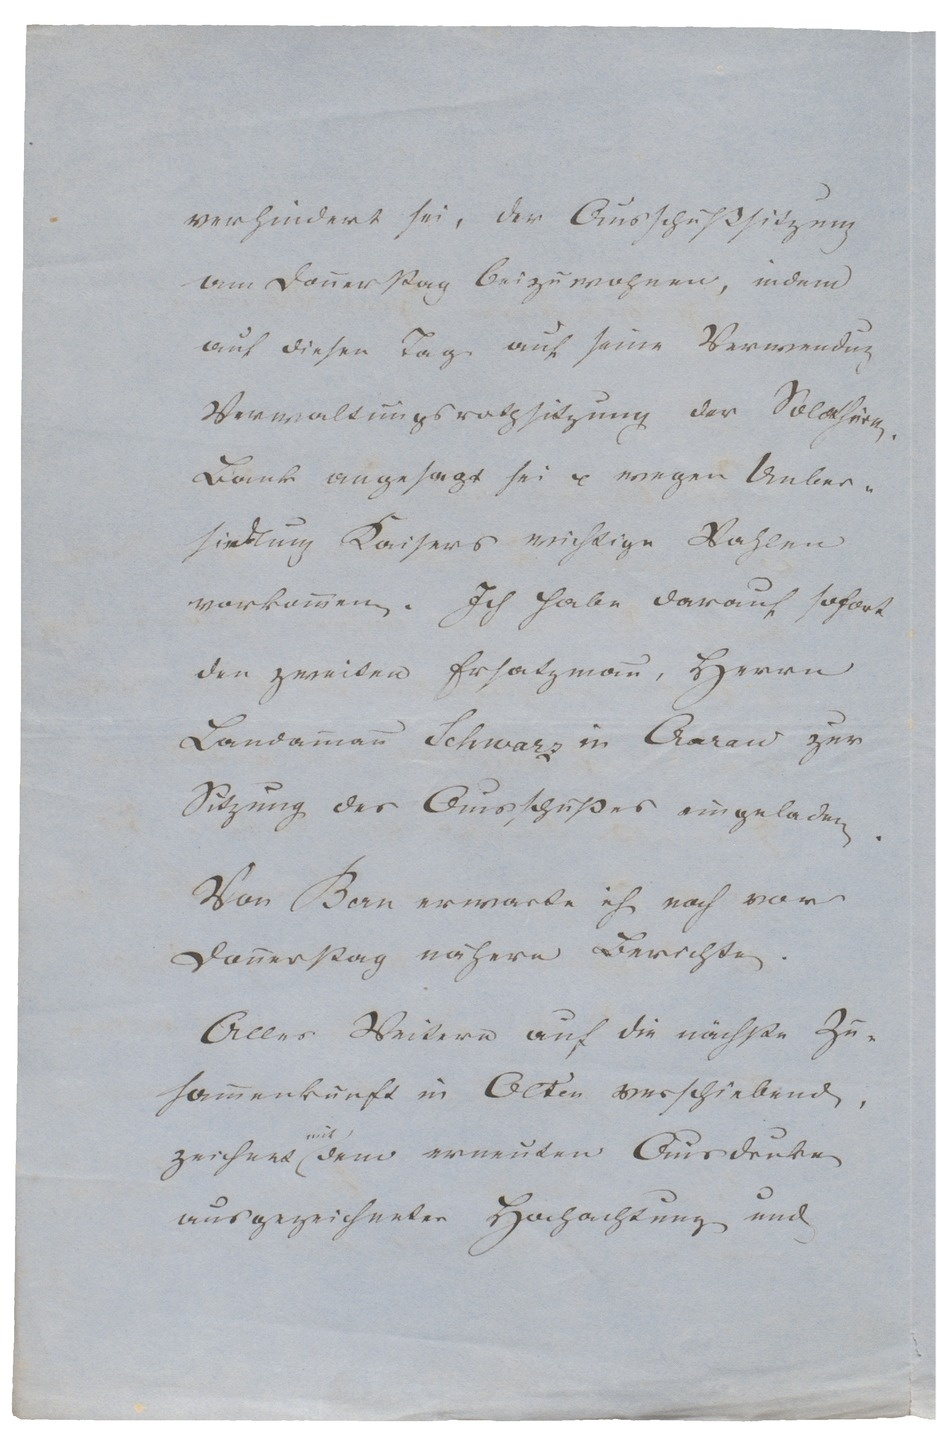verhindert sei, der Ausschusssitzung
von Donnerstag beizuwohnen, indem
auf diesen Tag auf seine Verwendung
Verwaltungsrathsitzung der Solothurn.
Bank angesagt sei & wegen Ueber-
siedlung Kaisers wichtige Wahlen
vorkommen. Ich habe darauf sofort
den zweiten Ersatzmann, Herrn
Landammann Schwarz in Aarau zur
Sitzung des Ausschußes eingeladen.
Von Bern erwarte ich noch vor
Donnerstag nähere Berichte.
Alles Weitere auf die nächste Zu-
sammenkunft in Olten, verschiebend,
zeichne mit dem erneuten Ausdruke
ausgezeichneter Hochachtung und